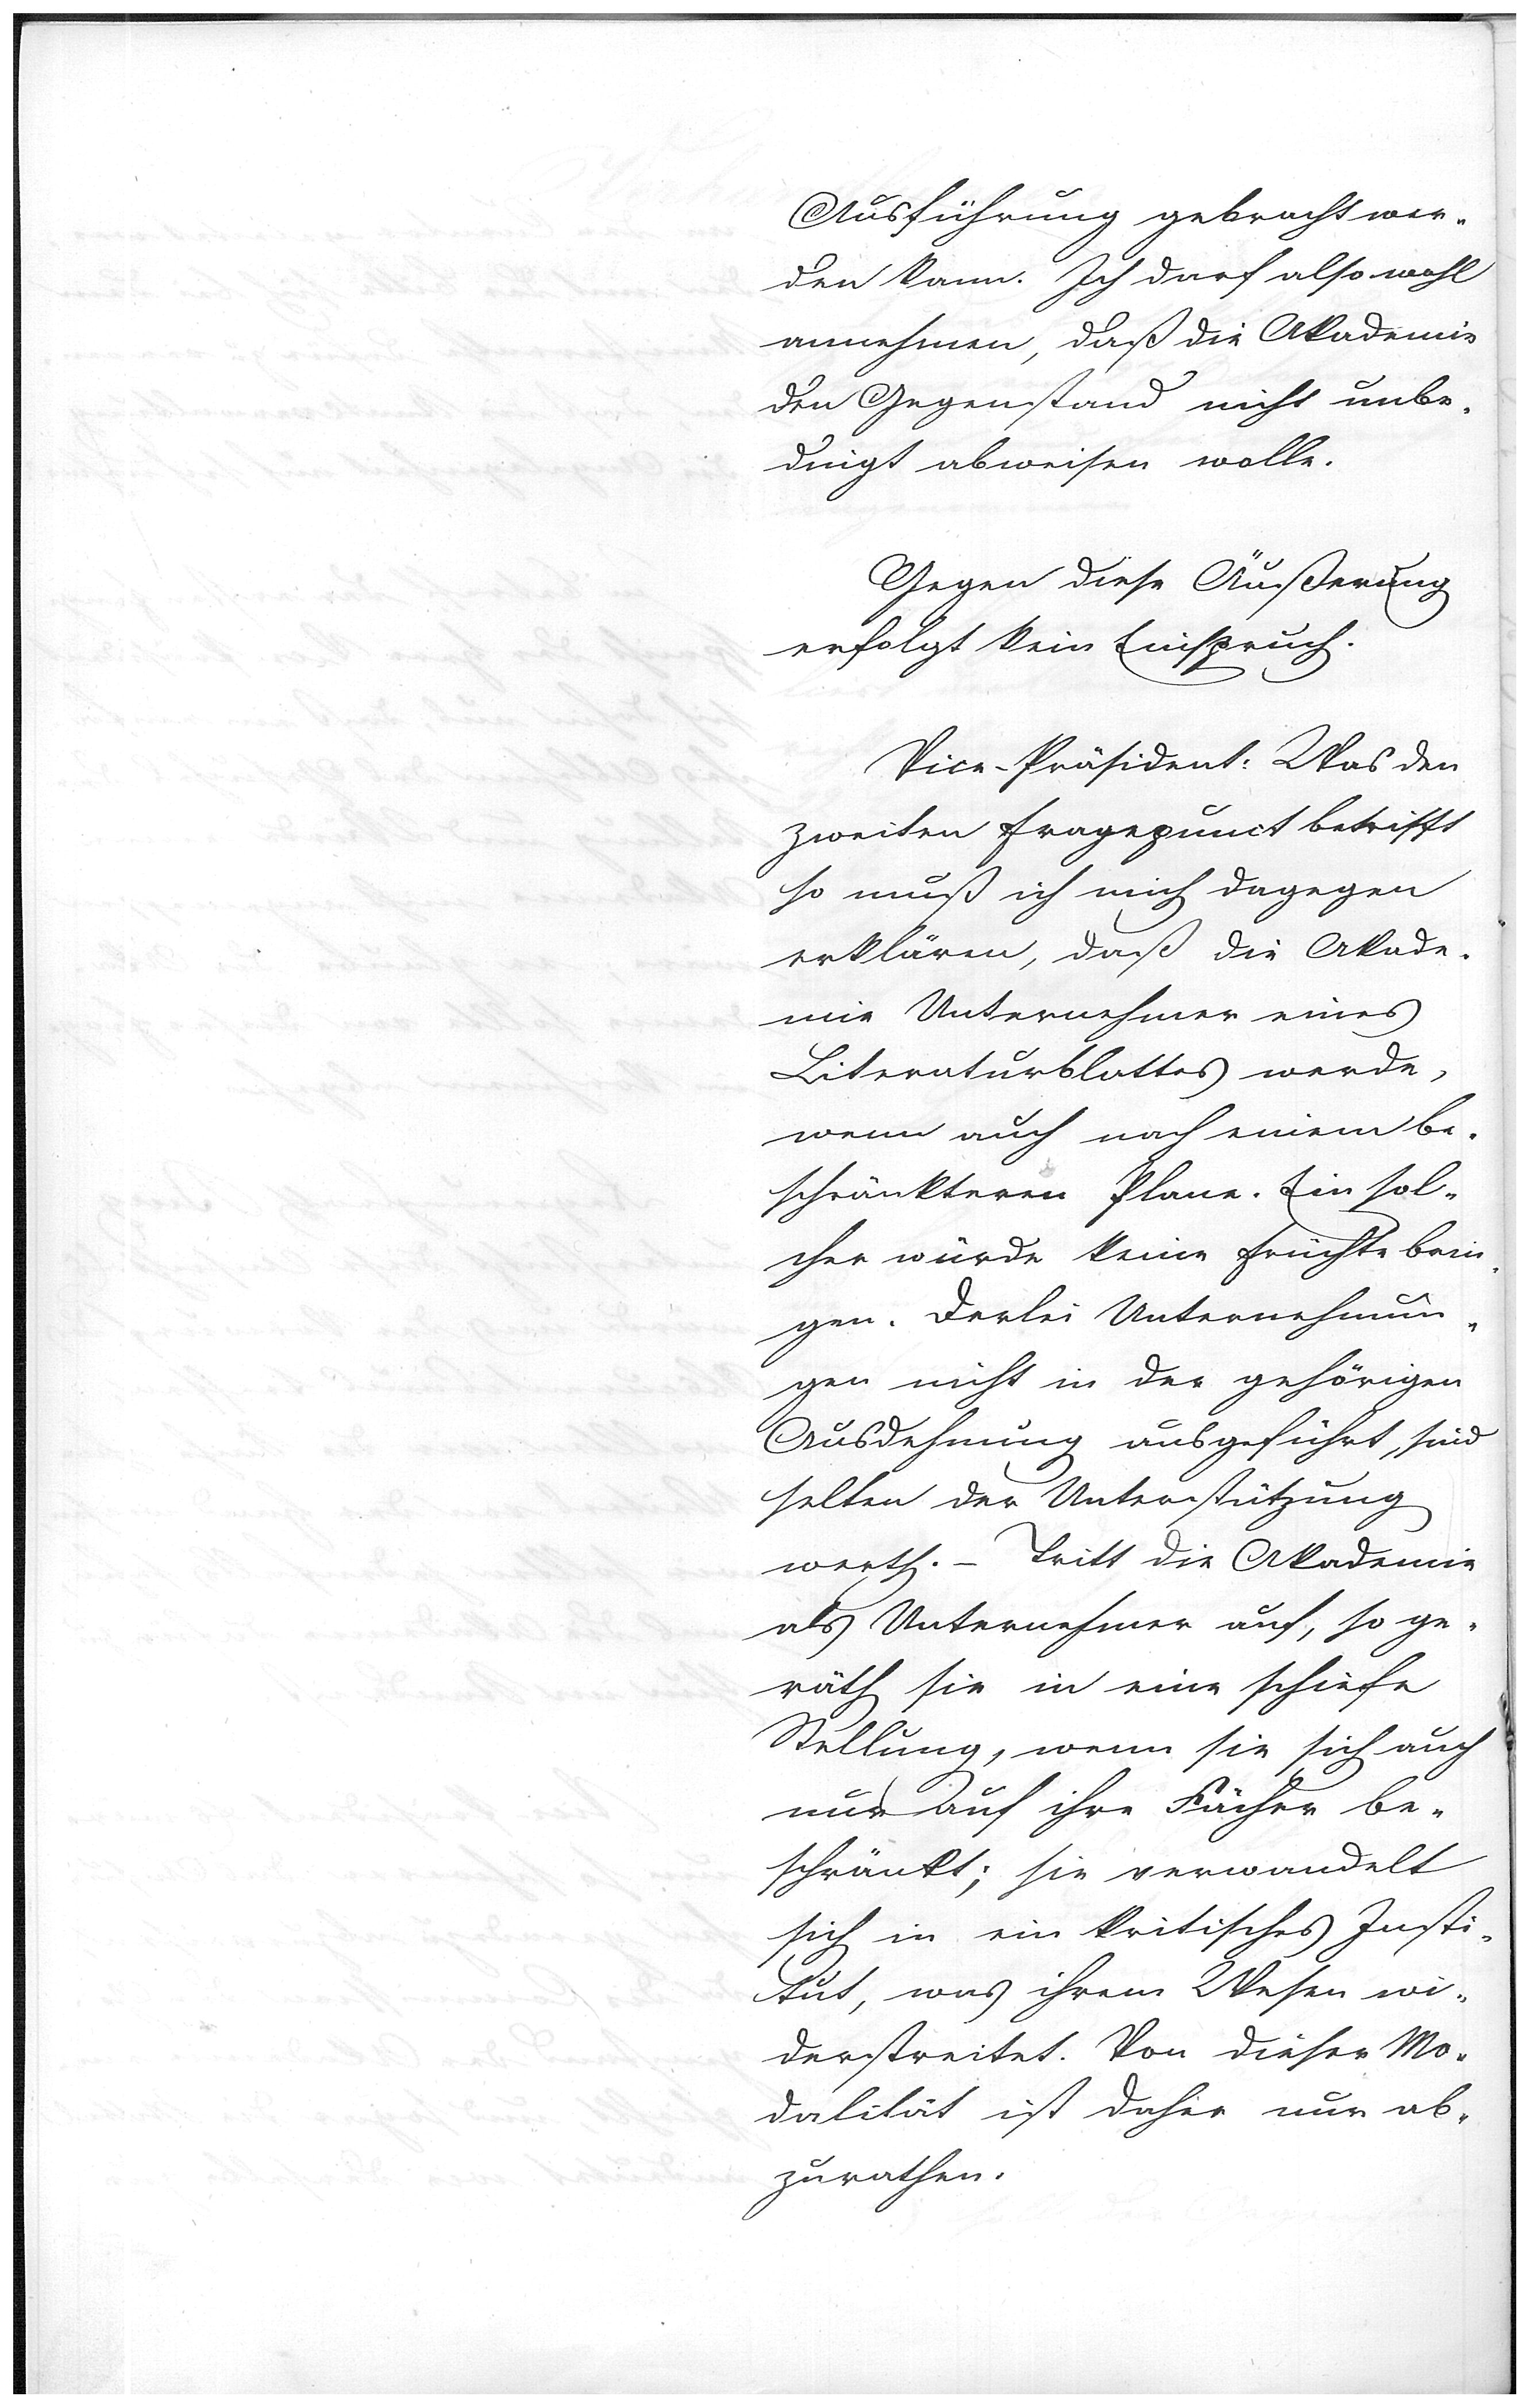Ausführung gebracht wer-
den kann. Ich darf also wohl
annehmen, daß die Akademie
den Gegenstand nicht unbe-
dingt abweisen wolle.
Gegen diese Äußerung
erfolgte kein Einspruch.
Vice-Präsident: Was den
zweiten Fragepunct betrifft
so muß ich mich dagegen
erklären, daß die Akade-
mie Unternehmer eines
Literaturblattes werde,
wenn auch nach einem be-
schränkteren Plane. Ein sol-
cher würde keine Früchte brin-
gen. Derlei Unternehmun-
gen nicht in der gehörigen
Ausdehnung ausgeführt, sind
selten der Unterstützung
werth.- Tritt die Akademie
als Unternehmer auf, so ge-
räth sie in eine schiefe
Stellung, wenn sie sich auch
nur auf ihre Bücher be-
schränkt; sie verwandelt
sich in ein kritisches Insti-
tut, was ihrem Wesen wi-
derstreitet. Von dieser Mo-
dalität ist daher nur ab-
zurathen.